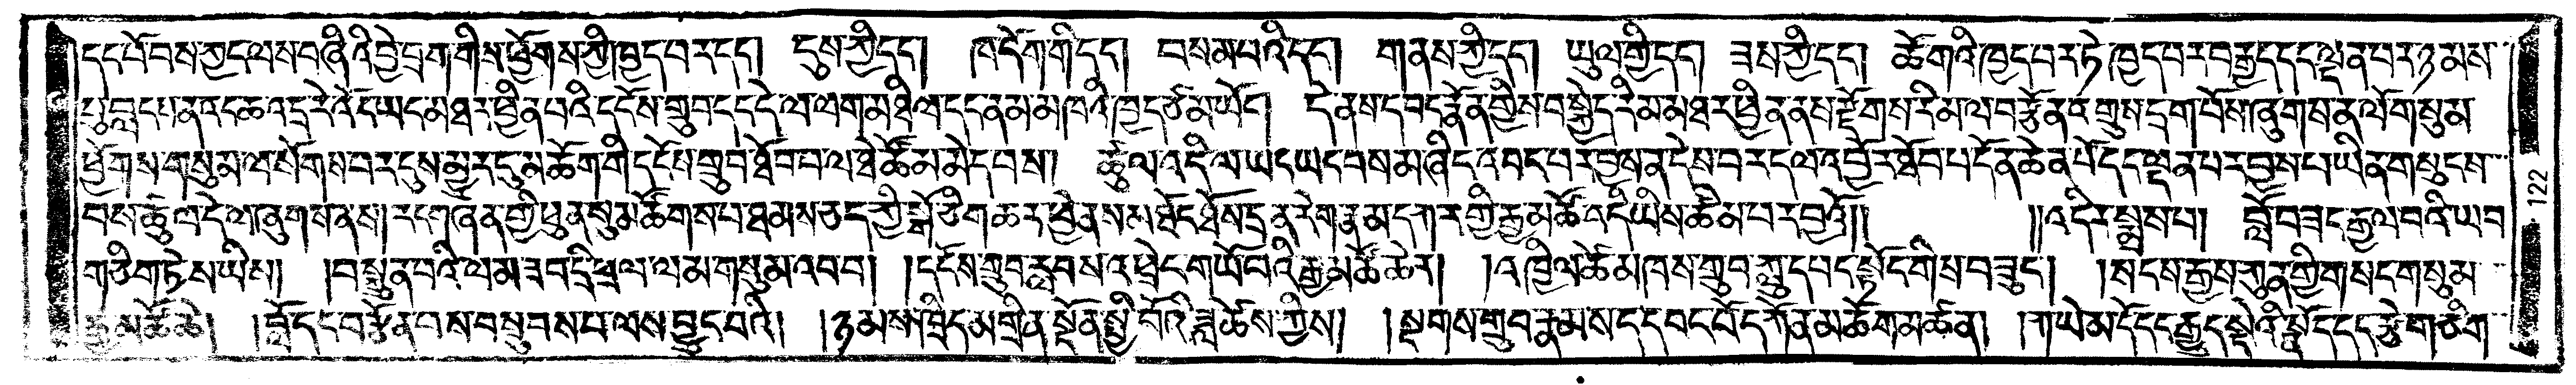དང་པོ་བས་ཀྱང་ལས་བཞིའི་བྱེ་བྲག་གིས་ཕྱོགས་ཀྱི་ཁྱད་པར་དང་། དུས་ཀྱི་དང་། ཁ་དོག་གི་དང་། བསམ་པའི་དང་། གནས་ཀྱི་དང་། ཡུལ་གྱི་དང་། ཟས་ཀྱི་དང་། ཆོ་གའི་ཁྱད་པར་ཏེ་ཁྱད་པར་བརྒྱད་དང་ལྡན་པར་ཉམས་
སུ་བླང་པ་ནའང་ཆ་འདྲ་རེ་འོང་ཡང་མཐར་ཕྱིན་པའི་དངོས་གྲུབ་དང་དེ་ལ་ལག་མཐིལ་དང་ནམ་མཁའི་ཁྱད་ཙམ་ཡོད། དེ་ནས་དབང་རྣོན་གྱིས་བསྐྱེད་རིམ་མཐར་ཕྱིན་ནས་རྫོགས་རིམ་ལ་བརྩོན་འགྲུས་དྲག་པོས་ཞུགས་ན་ལོ་གསུམ་
ཕྱོགས་གསུམ་ལ་སོགས་པར་དུས་མྱུར་དུ་མཆོག་གི་དངོས་གྲུབ་ཐོབ་པ་ལ་ཐེ་ཚོམ་མེད་པས། ཚུལ་འདི་ལ་ཡང་ཡང་བསམ་ཞིང་འབད་པར་བྱས་ན་དེས་བར་དལ་འབྱོར་ཐོབ་པ་དོན་ཆེན་པོ་དང་ལྡན་པར་བྱས་པ་ཡིན་གསུངས་
བས་ཚུལ་དེ་ལ་ཞུགས་ནས། རང་གཞན་གྱི་ཕུན་སུམ་ཚོགས་པ་ཐམས་ཅད་ཀྱི་སྒོ་ཅིག་ཆར་ཕྱེ་ནས་མཐོང་ཐོས་དྲན་རེག་རྣམ་དཀར་གྱི་རྒྱ་མཚོ་འདི་ཡིས་ཚིམ་པར་བྱའོ།། །།འདིར་སྨྲས་པ། བློ་བཟང་རྒྱལ་བའི་ཡབ་
གཅིག་ཏེས་ཡིས། །བསྒྲུན་བའི་ལམ་ཟབ་དྲི་ཕྲལ་ལམ་གསུམ་འབབ། །དངོས་གྲུབ་རླབས་འཕྲེང་གཡོ་བའི་རྒྱ་མཚོ་ཆེར། །འཁྱིལ་ཚེ་མཁས་གྲུབ་ཀླུ་དབང་སྟོང་གིས་བཟུང་། །སངས་རྒྱས་ཀུན་གྱི་གསང་གསུམ་
རྒྱ་མཚོ་ཆེ། །བློ་དང་བརྩོན་བས་བསྲུབས་བ་ལས་བྱུང་བའི། །ཉམས་ཁྲིད་མགྲིན་སྔོ་སྤྱི་བོའི་ཟླ་ཚེས་ཀྱིས། །སྔགས་གྲུབ་རྣམས་དེ་དབང་པོ་དཀོན་མཆོག་མཚན། །གཡེ་མདོ་དང་རྒྱུད་སྡེའི་སྣོད་དང་རྩེ་གཅིག་